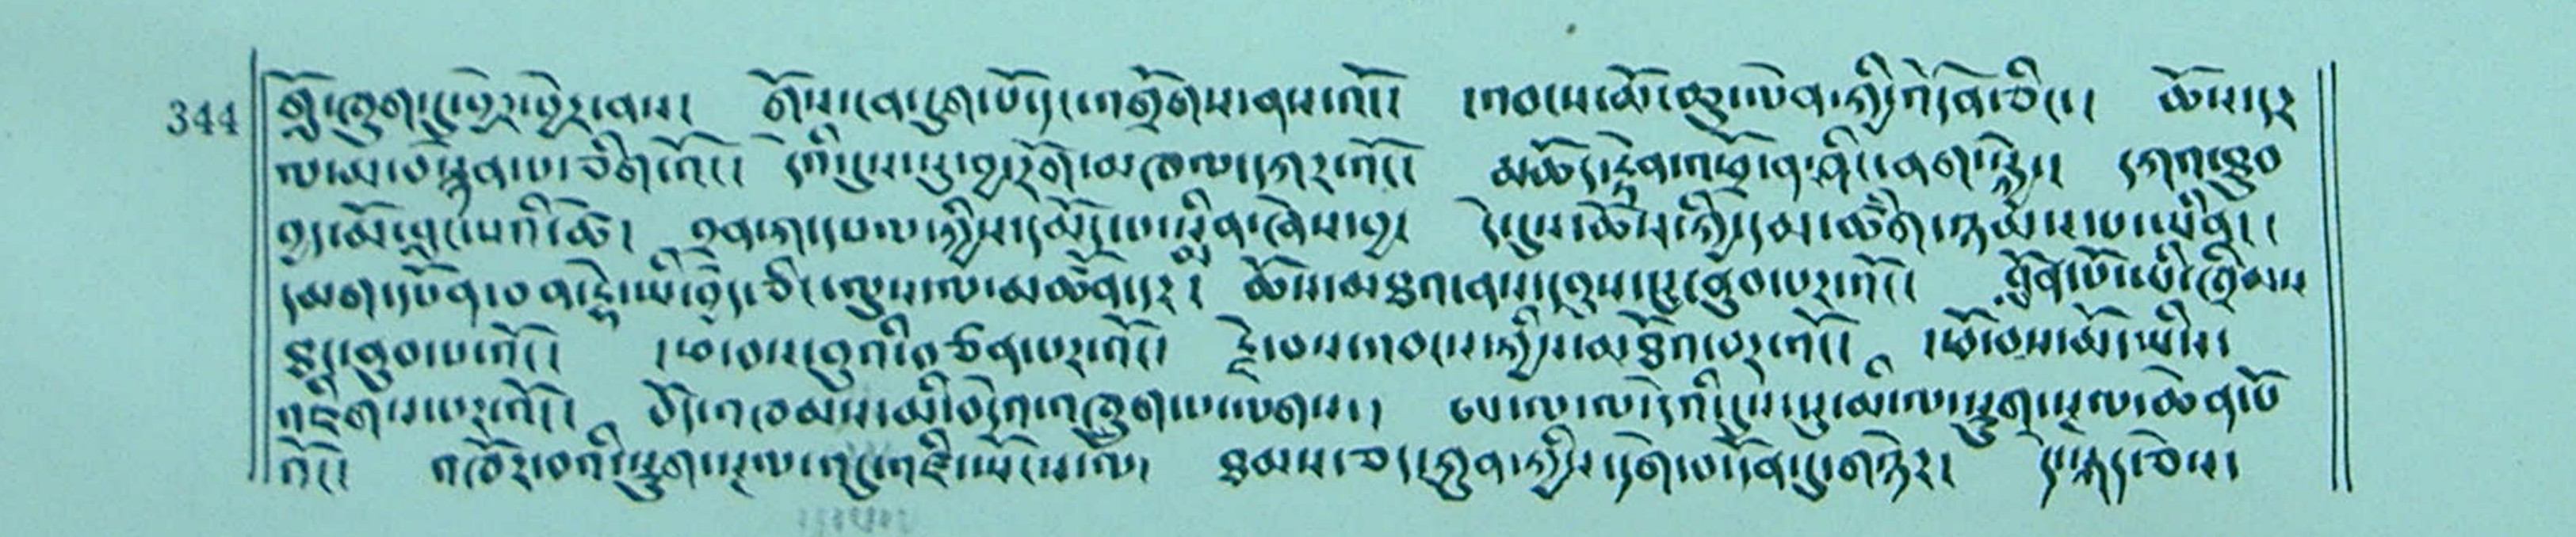བློ་ཁུག་ཏུ་བྱེར་བྱེར་ནས། གོས་ངན་དུག་པོ་དང་འགྲོགས་ནས་འོང་། འབངས་མོ་ཆུ་ལེན་གྱིས་འདོན་ཅིང་། ཆོས་དར་
ལ་མ་བསྙེན་པ་གཅིག་འོང་། དེའི་དུས་སུ་བྱ་རོག་མཁལ་དཀར་འོང་། མཆོད་རྟེན་འཕྲོ་ན་ཤིང་ནག་སྐྱེ། དཀའ་ཐུབ་
བྱད་མོ་བླངས་པའི་ཚེ། བྲན་ཀ་དཔལ་གྱིས་དམོད་པ་སྨིན་ཞེས་བྱ། དེ་དུས་ཆོས་ཀྱི་དམ་ཚིག་ཉམས་པ་ཡིན། 
དམག་དཔོན་བན་དྷེས་བྱེད་ཅིང་ལུས་ལ་མཚོན་དར། ཆོས་མཐའ་ནས་དབུས་སུ་ནུབ་པར་འོང་། བློན་པོ་ཁྲིམས་
ཐང་ནུབ་པ་འོང་། ཕ་བས་བུ་ཡིས་བཙན་པར་འོང་། རྗེ་བས་འབངས་ཀྱིས་མཐོ་བར་འོང་། ཕོ་བས་མོ་ཡིས་
འཇིགས་པ་འོང་། བོད་ཁམས་མི་བདེའ་འཁྲུགས་པ་ལགས། ཨ་ལ་ལ་དེའི་དུས་སུ་མི་ལ་སྡུག་བསྔལ་ཆེན་པོ་
འོང་། འཁོར་བའི་སྡུག་བསྔལ་འདུ་འཛི་ཡོངས་ལ། ཐམས་ཅད་ཀུན་ཀྱིས་དགེ་ལ་དོན་དུ་གཉེར། དེ་སྐད་ཅེས་